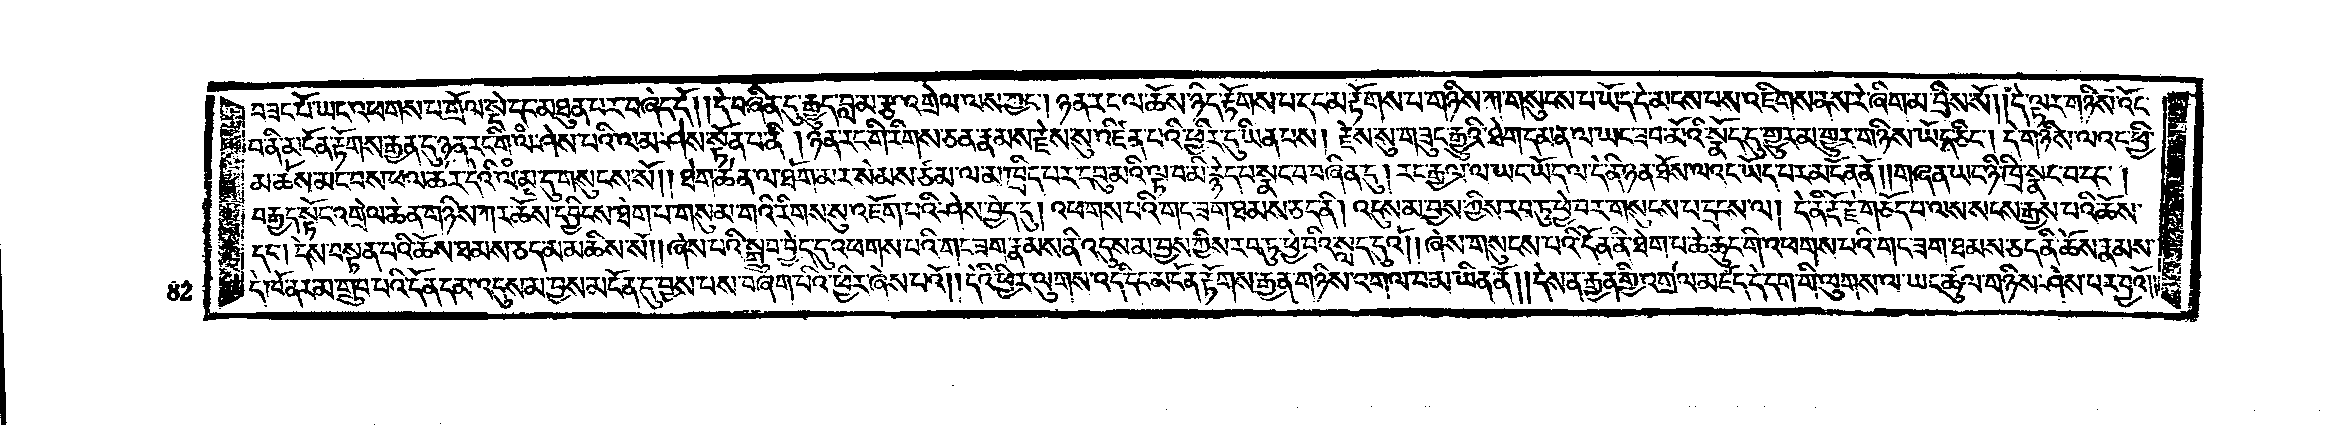བཟང་པོ་ཡང་འཕགས་པ་གྲོལ་སྡེ་དང་མཐུན་པར་བཞེད་དོ། །དེ་བཞིན་དུ་རྒྱུད་བླ་མ་རྩ་འགྲེལ་ལས་ཀྱང་། ཉན་རང་ལ་ཆོས་ཉིད་རྟོགས་པ་དང་མ་རྟོགས་པ་གཉིས་ཀ་གསུངས་པ་ཡོད་དེ་མངས་པས་འཇིགས་ནས་རེ་ཞིག་མ་བྲིས་སོ། །དེ་ལྟར་གཉིས་འོང་
བ་ནི་མངོན་རྟོགས་རྒྱན་དུ་ཉན་རང་གི་ལམ་ཤེས་པའི་ལམ་ཤེས་སྟོན་པ་ནི། ཉན་རང་གི་རིགས་ཅན་རྣམས་རྗེས་སུ་འཛིན་པའི་ཕྱིར་དུ་ཡིན་པས། རྗེས་སུ་གཟུང་རྒྱུའི་ཐེག་དམན་ལ་ཡང་ཟབ་མོའི་སྣོད་དུ་གྱུར་མ་གྱུར་གཉིས་ཡོད་ཅིང་། དེ་གཉིས་ལའང་ཕྱི་
མ་ཆེས་མང་བས་ཕལ་ཆེར་དེའི་ལམ་མང་དུ་གསུངས་སོ། །ཐེག་ཆེན་ལ་ཐོག་མར་སེམས་ཙམ་ལ་མ་ཁྲིད་པར་དབུ་མའི་ལྟ་བ་མི་རྙེད་པ་སྣང་བ་བཞིན་དུ། རང་རྒྱལ་ལ་ཡང་ཡོད་ལ་དེ་ནི་ཉན་ཐོས་ལའང་ཡོད་པར་མངོན་ནོ། །གཞན་ཡང་ཉི་ཁྲི་སྣང་བ་དང་།
བརྒྱད་སྟོང་འགྲེལ་ཆེན་གཉིས་ཀར་ཆོས་དབྱིངས་ཐེག་པ་གསུམ་གའི་རིགས་སུ་འཇོག་པའི་ཤེས་བྱེད་དུ། འཕགས་པའི་གང་ཟག་ཐམས་ཅད་ནི། འདུས་མ་བྱས་ཀྱིས་རབ་ཏུ་ཕྱེ་བར་གསུངས་པ་དྲངས་ལ། དེ་ནི་རྡོ་རྗེ་གཅོད་པ་ལས་སངས་རྒྱས་པའི་ཆོས་
དང་། དེས་བསྟན་པའི་ཆོས་ཐམས་ཅད་མ་མཆིས་སོ། །ཞེས་པའི་སྒྲུབ་བྱེད་དུ་འཕགས་པའི་གང་ཟག་རྣམས་ནི་འདུས་མ་བྱས་ཀྱིས་རབ་ཏུ་ཕྱེ་བའི་སླད་དུའོ། །ཞེས་གསུངས་པའི་དོན་ནི་ཐེག་པ་ཆེ་ཆུང་གི་འཕགས་པའི་གང་ཟག་ཐམས་ཅད་ནི་ཆོས་རྣམས་
དེ་ཁོ་ནར་མ་གྲུབ་པའི་དོན་དམ་འདུས་མ་བྱས་མངོན་དུ་བྱས་པས་བཞག་པའི་ཕྱིར་ཞེས་པའོ། །དེའི་ཕྱིར་ལུགས་འདི་དང་མངོན་རྟོགས་རྒྱན་གཉིས་འགལ་བ་མ་ཡིན་ནོ། །དེས་ན་རྒྱན་གྱི་འགྲེལ་མཛད་དེ་དག་གི་ལུགས་ལ་ཡང་ཚུལ་གཉིས་ཤེས་པར་བྱའོ་